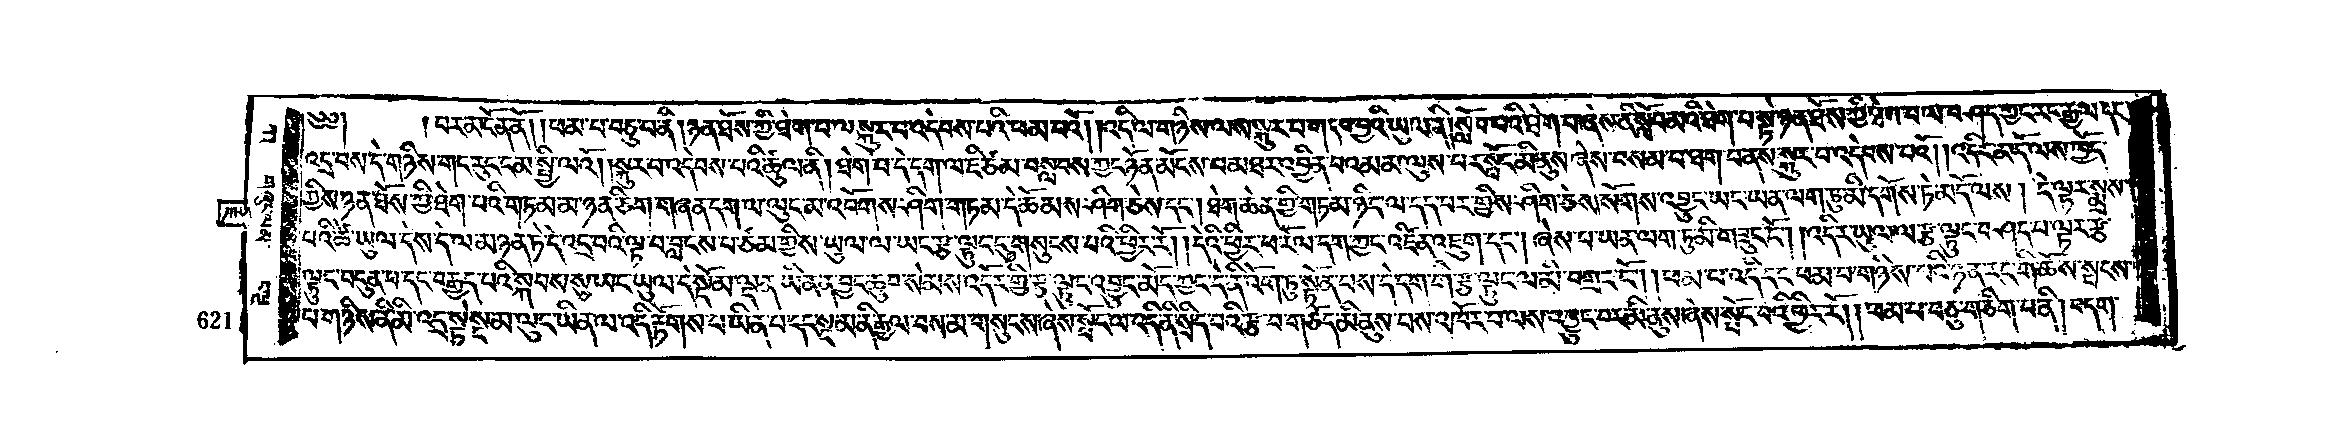༄༅། །པར་མངོན་ནོ། །ཕམ་པ་བཅུ་པ་ནི། ཉན་ཐོས་ཀྱི་ཐེག་པ་ལ་སྐུར་པ་འདེབས་པའི་ཕམ་པའོ། །འདི་ལ་གཉིས་ལས་སྐུར་པ་གདབ་བྱའི་ཡུལ་ནི། སློབ་པའི་ཐེག་པ་ཞེས་ནི་སློབ་མའི་ཐེག་པ་སྟེ་ཉན་ཐོས་ཀྱི་ཐེག་པ་ལ་བཤད་ཀྱང་རང་རྒྱལ་དང་
འདྲ་བས་དེ་གཉིས་གང་རུང་ངམ་སྤྱི་ལའོ། །སྐུར་པ་འདེབས་པའི་ཚུལ་ནི། ཐེག་པ་དེ་དག་ལ་ཇི་ཙམ་བསླབས་ཀྱང་ཉོན་མོངས་པ་མཐར་འབྱིན་པའམ་མ་ལུས་པར་སྤོང་མི་ནུས་ཞེས་བསམ་པ་ཐག་པ་ནས་སྐུར་པ་འདེབས་པའོ། །འདིར་མདོ་ལས་ཁྱོད་
ཀྱིས་ཉན་ཐོས་ཀྱི་ཐེག་པའི་གཏམ་མ་ཉན་ཅིག་གཞན་དག་ལ་ལུང་མ་འབོགས་ཤིག་གཏམ་དེ་ཆོ་མས་ཤིག་ཅེས་དང་། ཐེག་ཆེན་གྱི་གཏམ་ཉིད་ལ་དད་པར་གྱིས་ཤིག་ཅེས་སོགས་འབྱུང་ཡང་ཡན་ལག་ཏུ་མི་དགོས་ཏེ་མདོ་ལས། དེ་ལྟར་སྨྲས་
པའི་ཚེ་ཡུལ་དེས་དེ་ལ་མཉན་ཏེ་དེ་འདྲ་བའི་ལྟ་བ་བླངས་པ་ཙམ་གྱིས་ཡུལ་ལ་ཡང་རྩ་ལྟུང་དུ་གསུངས་པའི་ཕྱིར་རོ། །དེའི་ཕྱིར་ཕ་རོལ་དག་ཀྱང་འཛིན་འཇུག་དང་། ཞེས་པ་ཡན་ལག་ཏུ་མི་གཟུང་ངོ། །འདིར་ཡུལ་ལ་རྩ་ལྟུང་བཤད་པ་ལྟར་རྩ་
ལྟུང་བདུན་པ་དང་བརྒྱད་པའི་སྐབས་སུ་ཡང་ཡུལ་དེ་སྡོམ་ལྡན་ཡིན་ན་བྱང་ཆུབ་སེམས་འདོར་གྱི་རྩ་ལྟུང་འབྱུང་མོད་ཀྱང་དེ་ནི་འོག་ཏུ་སྟོན་པས་དེ་དག་གི་རྩ་ལྟུང་ལ་མི་བགྲང་ངོ། །ཕམ་པ་འདི་དང་ཕམ་པ་གཉིས་པའི་ཉན་རང་གི་ཆོས་སྤངས་
པ་གཉིས་ནི་མི་འདྲ་སྟེ་སྔ་མ་ལུང་ཡིན་ལ་འདི་རྟོགས་པ་ཡིན་པ་དང་སྔ་མ་ནི་རྒྱལ་བས་མ་གསུངས་ཞེས་སྤོང་ལ་འདི་ནི་སྲིད་པའི་རྩ་བ་གཅོད་མི་ནུས་པས་འཁོར་བ་ལས་འབྱུང་བར་མི་ནུས་ཞེས་སྤོང་བའི་ཕྱིར་རོ། །ཕམ་པ་བཅུ་གཅིག་པ་ནི། བདག་